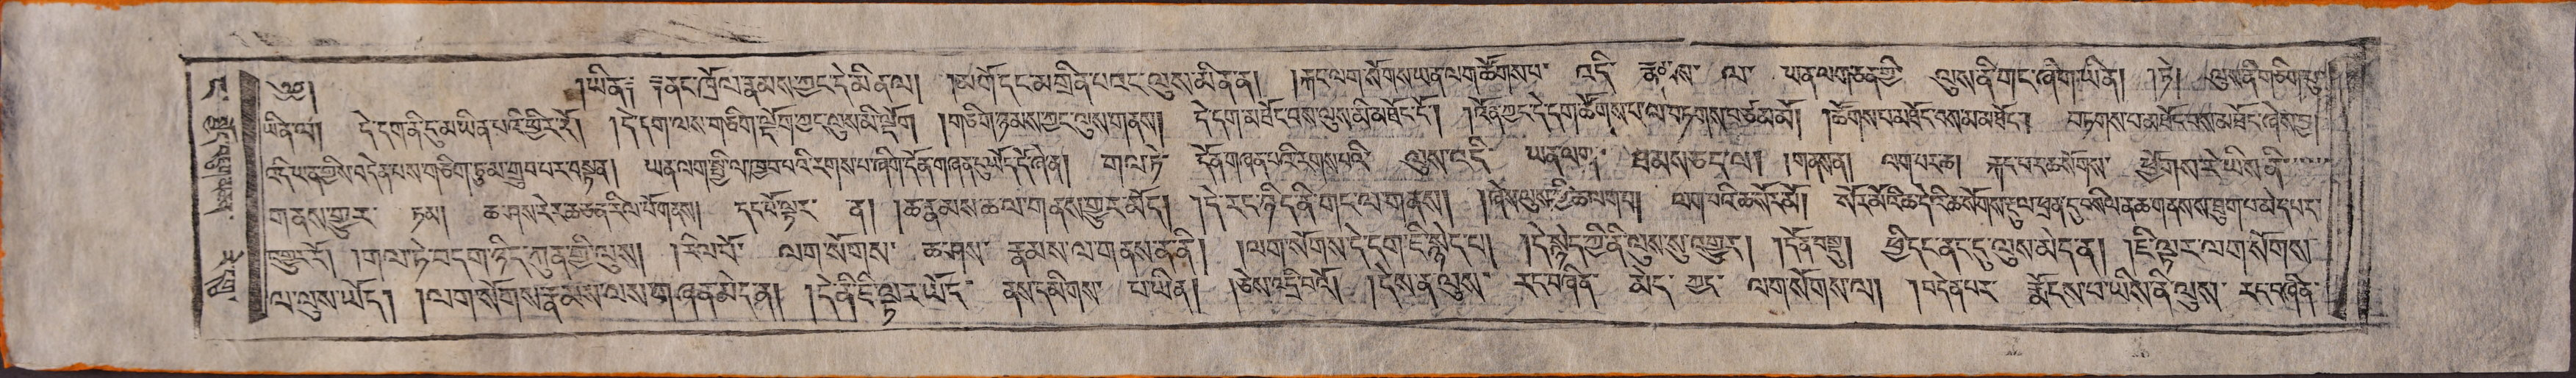༄༅། །ཡིན༑ ༑ནང་ཁྲོལ་རྣམས་ཀྱང་དེ་མིན་ལ། །མགོ་དང་མགྲིན་པའང་ལུས་མིན་ན། །རྐང་ལག་སོགས་ཡན་ལག་ཚོགས་བ་འདི་རྣམས་ལ་ཡན་ལག་ཅན་གྱི་ལུས་ནི་གང་ཞིག་ཡིན། །ཏེ། ལུས་ནི་གཅིག་པུ་
ཡིན་ལ། དེ་དག་ནི་དུ་མ་ཡིན་པའི་ཕྱིར་རོ། །དེ་དག་ལས་གཅིག་ལྡོག་ཀྱང་ལུས་མི་ལྡོག །གཅིག་ཉམས་ཀྱང་ལུས་གནས། དེ་དག་མཐོང་བས་ལུས་མི་མཐོང་ངོ། །འོན་ཀྱང་དེ་དག་ཚོགས་པ་ལ་བཏགས་པ་ཙམ་མོ། །ཚོགས་པ་མཐོང་བསམ་མཐོང་། བཏགས་པ་མཐོང་བས་མཐོང་ཞེས་བྱ།
འདི་ཡན་གྱིས་བདེན་པས་གཅིག་ཏུ་མ་གྲུབ་པར་བསྟན། ཡན་ལག་སྤྱི་ལ་ཁྱབ་པའི་རགས་པ་ཞིག་དོན་གཞན་དུ་ཡོད་དོ་ཞེ་ན། གལ་ཏེ་དོན་གཞན་པའི་རགས་པའི་ལུས་འདི་ཡན་ལག་ཐམས་ཅད་ལ། །གནས་ན། ལག་བར་ཆ། རྐང་པར་ཆ་སོགས་ཕྱོགས་རེ་ཡིས་ནི་
གནས་གྱུར་ཏམ། ཆ་ཤས་རེར་ཆ་ཅན་རིལ་པོ་གནས། དང་པོ་ལྟར་ན། །ཆ་རྣམས་ཆ་ལ་གནས་གྱུར་མོད། །དེ་རང་ཉིད་ནི་གང་ལ་གནས། །ཞེས་ལུས་ཀྱི་ཆ་ལག་པ། ལག་པའི་ཆ་སོར་མོ། སོར་མོའི་ཆ་དེའི་ཆ་སོགས་རྡུལ་ཕྲན་དུ་བསིལ་ན་ཆ་གནས་ས་ཐུག་པ་མེད་པར་
འགྱུར་རོ། །གལ་ཏེ་བདག་ཉིད་ཀུན་གྱི་ལུས། །ལག་སོགས་ཆ་ཤས་རྣམས་ལ་གནས་ན་ནི། །ལག་སོགས་དེ་དག་ཇི་སྙེད་པ། །དེ་སྙེད་ཀྱི་ནི་ལུས་སུ་འགྱུར། །དོན་བསྡུ། ཕྱི་དང་ནང་དུ་ལུས་མེད་ན། །ཇི་ལྟར་ལག་སོགས་
ལ་ལུས་ཡོད། །ལག་སོགས་རྣམས་ལས་གཞན་མེད་ན། །དེ་ནི་ཇི་ལྟར་ཡོད་ནས་དམིགས་པ་ཡིན། །ཅེས་འདྲི་བའོ། །དེས་ན་ལུས་རང་བཞིན་མེད་ཀྱང་ལག་སོགས་ལ། །བདེན་པར་རྨོངས་པ་ཡིས་ནི་ལུས་རང་བཞིན་